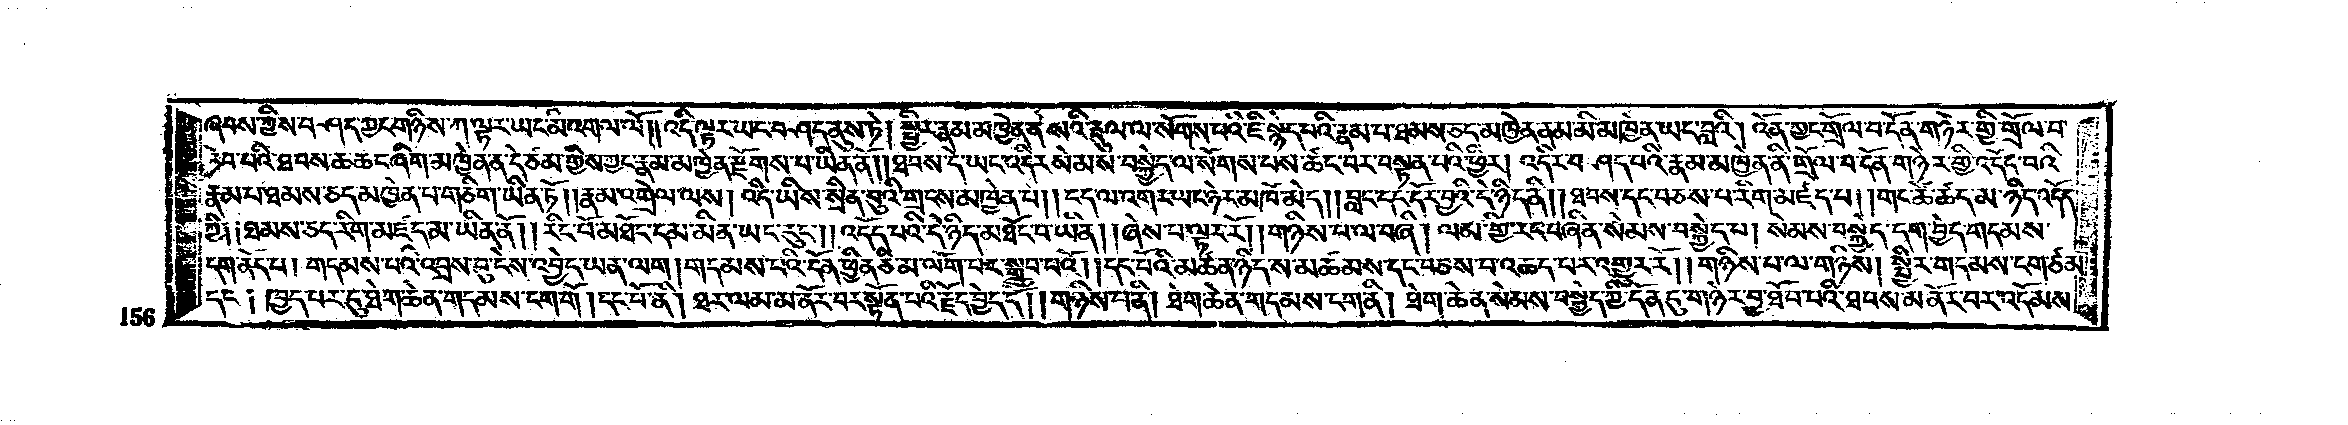ཞབས་ཀྱིས་བཤད་ཀྱང་གཉིས་ཀ་ལྟར་ཡང་མི་འགལ་ལོ། །འདི་ལྟར་ཡང་བཤད་ནུས་ཏེ། སྤྱིར་རྣམ་མཁྱེན་ནི་སའི་རྡུལ་ལ་སོགས་པའི་ཇི་སྙེད་པའི་རྣམ་པ་ཐམས་ཅད་མཁྱེན་ནམ་མི་མཁྱེན་ཡང་བླའི། འོན་ཀྱང་གྲོལ་བ་དོན་གཉེར་གྱི་གྲོལ་བ་
ཐོབ་པའི་ཐབས་ཆ་ཚང་ཞིག་མཁྱེན་ན་དེ་ཙམ་གྱིས་ཀྱང་རྣམ་མཁྱེན་རྫོགས་པ་ཡིན་ནོ། །ཐབས་དེ་ཡང་འདིར་སེམས་བསྐྱེད་ལ་སོགས་པས་ཚང་བར་བསྟན་པའི་ཕྱིར། འདིར་བཤད་པའི་རྣམ་མཁྱེན་ནི་གྲོལ་བ་དོན་གཉེར་གྱི་འདོད་པའི་
རྣམ་པ་ཐམས་ཅད་མཁྱེན་པ་གཅིག་ཡིན་ཏོ། །རྣམ་འགྲེལ་ལས། འདི་ཡིས་སྲིན་བུའི་གྲངས་མཁྱེན་པ། །ངེད་ལ་འགར་ཡང་ཉེར་མཁོ་མེད། །བླང་དང་དོར་བྱའི་དེ་ཉིད་ནི། །ཐབས་དང་བཅས་པ་རིག་མཛད་པ། །གང་ཚེ་ཚད་མ་ཉིད་འདོད་
ཀྱི། །ཐམས་ཅད་རིག་མཛད་མ་ཡིན་ནོ། །རིང་པོ་མཐོང་ངམ་མིན་ཡང་རུང་། །འདོད་པའི་དེ་ཉིད་མཐོང་བ་ཡིན། །ཞེས་པ་ལྟར་རོ། །གཉིས་པ་ལ་བཞི། ལམ་གྱི་རང་བཞིན་སེམས་བསྐྱེད་པ། སེམས་བསྐྱེད་དག་བྱེད་གདམས་
ངག་ནོད་པ། གདམས་པའི་འབྲས་བུ་ངེས་འབྱེད་ཡན་ལག །གདམས་པའི་དོན་ཕྱིན་ཅི་མ་ལོག་པར་སྒྲུབ་པའོ། །དང་པོའི་མཚན་ཉིད་ས་མཚམས་དང་བཅས་པ་འཆད་པར་འགྱུར་རོ། །གཉིས་པ་ལ་གཉིས། སྤྱིར་གདམས་ངག་ཙམ་
དང་། ཁྱད་པར་དུ་ཐེག་ཆེན་གདམས་ངག་གོ །དང་པོ་ནི། ཐར་ལམ་མ་ནོར་བར་སྟོན་པའི་རྗོད་བྱེད་དོ། །གཉིས་པ་ནི། ཐེག་ཆེན་གདམས་ངག་ནི། ཐེག་ཆེན་སེམས་བསྐྱེད་ཀྱི་དོན་དུ་གཉེར་བྱ་ཐོབ་པའི་ཐབས་མ་ནོར་བར་འདོམས་